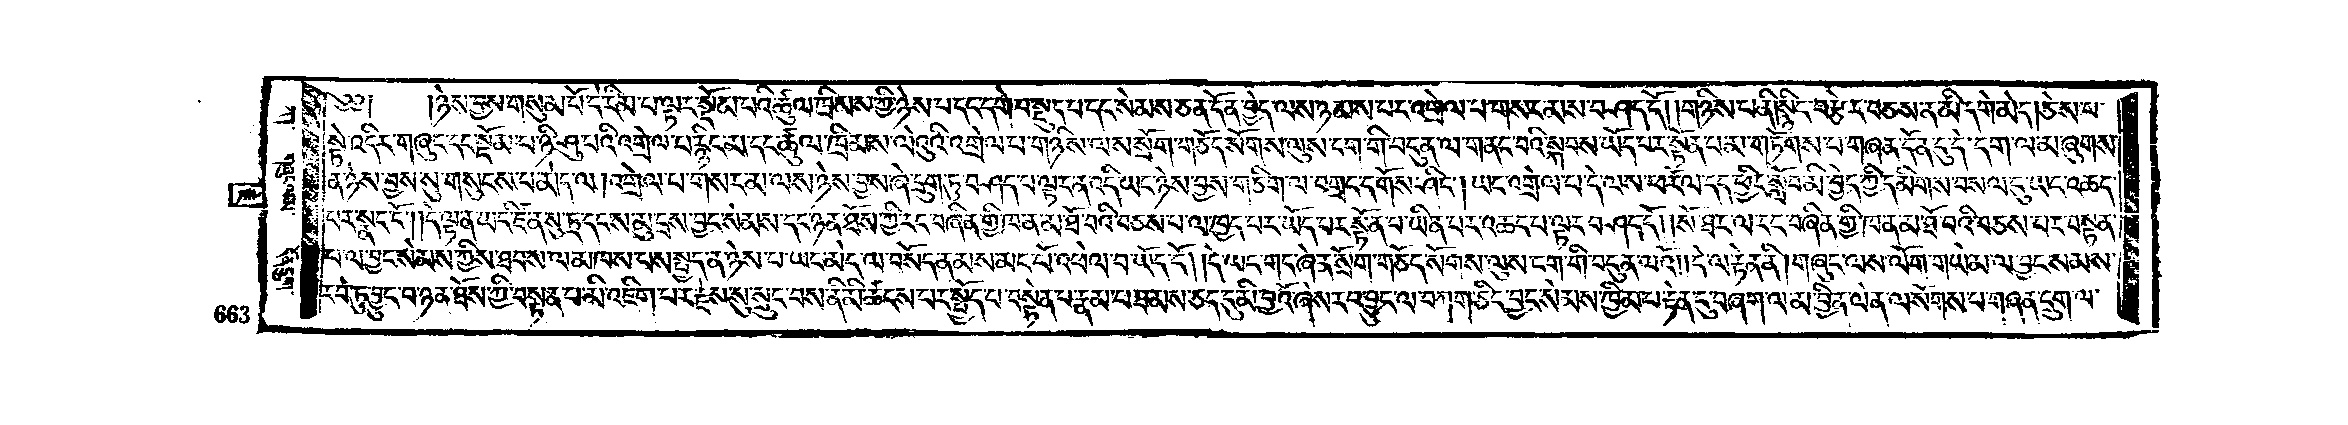༄༅། །ཉེས་བྱས་གསུམ་པོ་དེ་རིམ་པ་ལྟར་སྡོམ་པའི་ཚུལ་ཁྲིམས་ཀྱི་ཉེས་པ་དང་དགེ་བ་སྡུད་པ་དང་སེམས་ཅན་དོན་བྱེད་ལས་ཉམས་པར་འགྲེལ་པ་གསར་མས་བཤད་དོ། །གཉིས་པ་ནི། སྙིང་བརྩེར་བཅས་ན་མི་དགེ་མེད། ཅེས་པ་
སྟེ་འདིར་གཞུང་དང་སྡོམ་པ་ཉི་ཤུ་པའི་འགྲེལ་པ་རྙིང་མ་དང་ཚུལ་ཁྲིམས་ལེའུའི་འགྲེལ་པ་གཉིས་ལས་སྲོག་གཅོད་སོགས་ལུས་ངག་གི་བདུན་ལ་གནང་བའི་སྐབས་ཡོད་པར་སྟོན་པ་མ་གཏོགས་པ་གཞན་དོན་དུ་དེ་དག་ལ་མ་ཞུགས་
ན་ཉེས་བྱས་སུ་གསུངས་པ་མེད་ལ། འགྲེལ་པ་གསར་མ་ལས་ཉེས་བྱས་ཞེ་དྲུག་ཏུ་བཤད་པ་ལྟར་ན་འདི་ཡང་ཉེས་བྱས་གཅིག་ལ་བགྲང་དགོས་ཤིང་། ཡང་འགྲེལ་པ་དེ་ལས་ཕ་རོལ་དད་ཕྱིར་སློབ་མི་བྱེད་ཀྱི་དམིགས་བསལ་དུ་ཡང་འཆད་
པར་སྣང་ངོ། །དེ་ལྟ་ན་ཡང་ཛི་ན་སུ་ཏྲ་དང་ས་མུ་དྲས་བྱང་སེམས་དང་ཉན་ཐོས་ཀྱི་རང་བཞིན་གྱི་ཁ་ན་མ་ཐོ་བའི་བཅས་པ་ལ་ཁྱད་པར་ཡོད་པར་སྟོན་པ་ཡིན་པར་འཆད་པ་ལྟར་བཤད་དོ། །སོ་ཐར་ལ་རང་བཞིན་གྱི་ཁ་ན་མ་ཐོ་བའི་བཅས་པར་བསྟན་
པ་ལ་བྱང་སེམས་ཀྱིས་ཐབས་ལ་མཁས་པས་སྤྱད་ན་ཉེས་པ་ཡང་མེད་ལ་བསོད་ནམས་མང་པོ་འཕེལ་བ་ཡོད་དོ། །དེ་ཡང་གང་ཞེ་ན་སྲོག་གཅོད་སོགས་ལུས་ངག་གི་བདུན་ལའོ། །དེ་ལ་རྟེན་ནི། གཞུང་ལས་ལོག་གཡེམ་ལ་བྱང་སེམས་
རབ་ཏུ་བྱུང་བ་ཉན་ཐོས་ཀྱི་བསྟན་པ་མི་འཇིག་པར་རྗེས་སུ་སྲུང་བས་ནི་མི་ཚངས་པར་སྤྱོད་པ་བསྟེན་པ་རྣམ་པ་ཐམས་ཅད་དུ་མི་བྱའོ་ཞེས་རབ་བྱུང་ལ་བཀག་ཅིང་བྱང་སེམས་ཁྱིམ་པ་རྟེན་དུ་བཞག་ལ་མ་བྱིན་ལེན་ལ་སོགས་པ་གཞན་དྲུག་ལ་